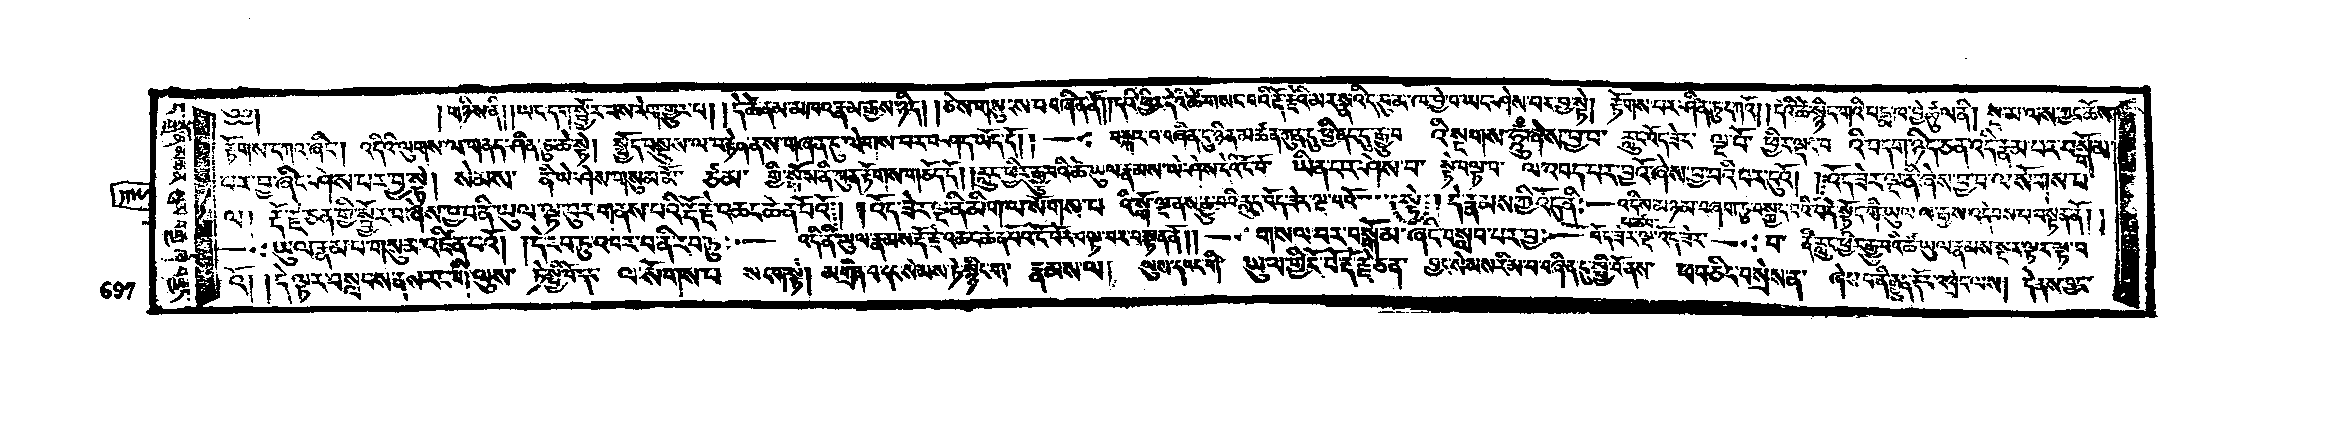༄༅། །གཉིས་ནི། །ཡང་དག་སྦྱོར་བས་རེག་གྱུར་པ། །དེ་ཚེ་ནམ་མཁའ་རྣམ་རྒྱས་ཉིད། །ཅེས་གསུངས་པ་བཞིན་ནོ། །དའི་ཕྱིར་དེའི་ཚེ་གསང་བའི་རྡོ་རྗེའི་མར་སྣའི་དབུ་མ་ཁ་བྱེ་བ་ཡང་ཤེས་པར་བྱ་སྟེ། རྟོགས་པར་ཤིན་ཏུ་དཀའོ། །དེའི་ཚེ་སྙིང་གའི་པདམ་ཁ་བྱེ་ཚུལ་ནི། སྔ་མ་ལས་ཀྱང་ཆོས་
རྟོགས་དཀའ་ཞིང་། འདིའི་ལུགས་ལ་གནད་ཤིན་ཏུ་ཆེ་སྟེ། སྤྱོད་བསྡུས་ལ་བརྟེན་ནས་གཞན་དུ་ལེགས་པར་བཤད་ཡོད་དོ། ། .H བསྐར་བ་བཞིན་དུ་ཉིན་མཚན་ཀུན་དུ་ཕྱི་ནང་དུ་རྒྱུ་བའི་སྔགས་ཧཱུཾ་ཞེས་བྱ་བ་རླུང་འོད་ཟེར་ལྔ་པོ་ཕྱིར་ལྡང་བའི་བདག་ཉིད་ཅན་འདི་རྣམ་པར་བསྒོམ་
པར་བྱ་ཞིང་ཤེས་པར་བྱ་སྟེ། སེམས་ནི་ཡེ་ཤེས་གསུམ་མོ་ཙམ་གྱི་སྒོས་ནི་ཀུན་རྟོགས་གཅོད་དོ། །རླུང་ཕྱིར་རྒྱུ་བའི་ཚེ་ཡུལ་རྣམས་ཡེ་ཤེས་དེའི་ངོ་བོ་ཡིན་པར་ཤེས་པ་སྟེ་བལྟ་བ་ལ་འབད་པར་བྱའོ་ཞེས་བྱ་བའི་བར་དུའོ། །འོད་ཟེར་ལྔ་ནི་ཞེས་བྱ་བ་ལ་སོགས་པ་
ལ། རྡོ་རྗེ་ཅན་གྱི་སྦྱོར་བ་ཞེས་བྱ་བ་ནི་ཡུལ་ལྟ་བུར་གནས་པའི་རྡོ་རྗེ་འཆང་ཆེན་པོའོ། །འོད་ཟེར་ལྔ་ནི་མིག་ལ་སོགས་པའི་སྒོ་ལྔ་ནས་རྒྱུ་བའི་རླུང་འོད་ཟེར་ལྔ་པའོ་སྟེ། དེ་རྣམས་ཀྱི་འོད་ནིཿ་འདིས་མཉམ་བཞག་ཏུ་བསྐྱེད་བའི་བདེ་སྟོང་གི་ཡུལ་ལ་རྒྱས་འདེབས་པ་བསྟན་ནོ། །
.Hཡུལ་རྣམ་པ་གསུམ་འཛིན་པའོ། །དེ་རབ་ཏུ་འབར་བ་ནི་རབ་ཏུཿ་འདི་ནི་ཡུལ་རྣམས་རྡོ་རྗེ་འཆང་ཆེན་པོའི་ངོ་བོར་བལྟ་བར་བསྟན་ནོ།།  .H གསལ་བར་བསྒོམ་ཞིང་བསླབ་པར་བྱཿ་འོད་ཟེར་པ་ཚབ་ལྔ་འོད་ཟེར་.Hབ་ནི་རླུང་ཕྱིར་རྒྱུ་བའི་ཚེ་ཡུལ་རྣམས་སྔར་ལྟར་ལྟ་བ
འོ། །དེ་ལྟར་བསླབས་ནས་རང་གི་ལུས་ཏེ་སྤྱི་བོ་དང་ལ་སོགས་པས་ངག་སྟེ། མགྲིན་པ་དང་སེམས་ཏེ་སྙིང་ག་རྣམས་ལ། ལུས་དབང་གི་ཡུལ་གྱི་ངོ་བོ་རྡོ་རྗེ་ཅན་བྱང་སེམས་རིམ་པ་བཞིན་དུ་སྤྱི་བོ་ནས་ཕབ་ཅིང་བསྲེས་ན་ཞེས་པ་ནི་རྒྱུད་རྡོར་འཕྲེང་ལས། དེ་ནས་བྱང་